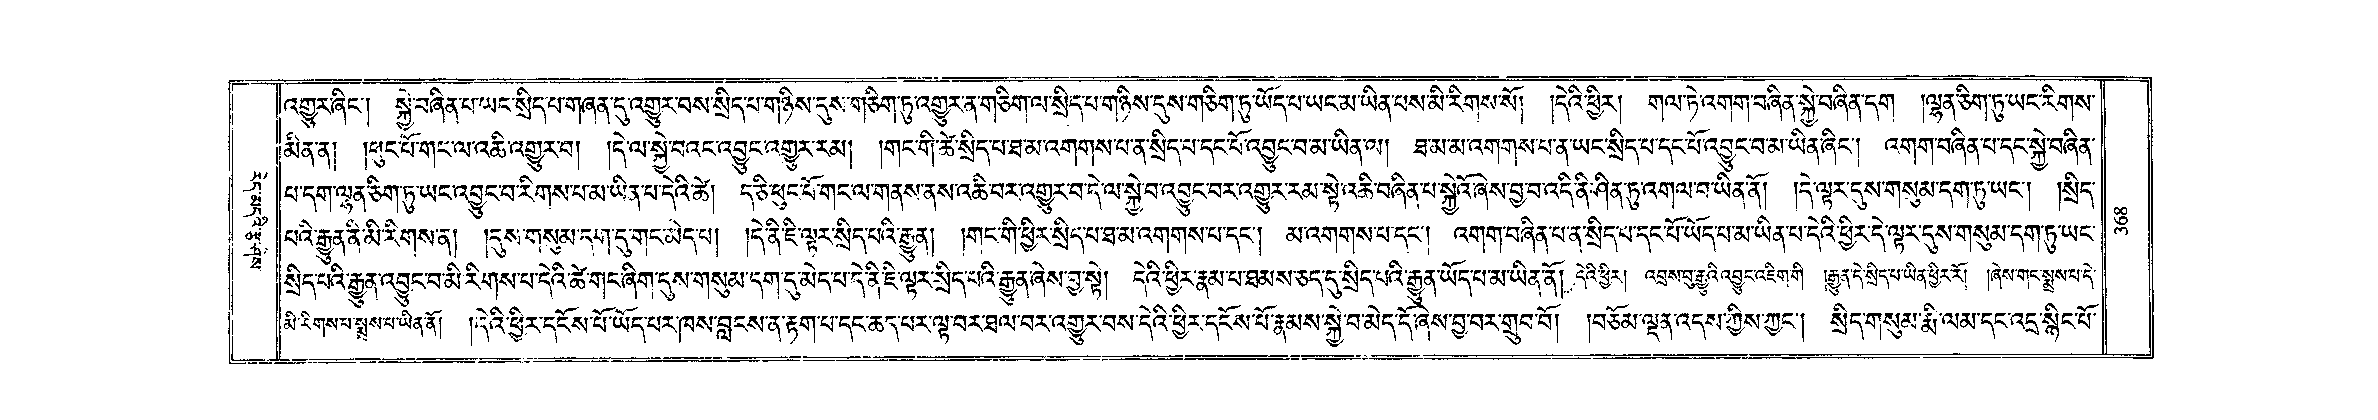འགྱུར་ཞིང་། སྐྱེ་བཞིན་པ་ཡང་སྲིད་པ་གཞན་དུ་འགྱུར་བས་སྲིད་པ་གཉིས་དུས་གཅིག་ཏུ་འགྱུར་ན་གཅིག་ལ་སྲིད་པ་གཉིས་དུས་གཅིག་ཏུ་ཡོད་པ་ཡང་མ་ཡིན་པས་མི་རིགས་སོ། །དེའི་ཕྱིར། གལ་ཏེ་འགག་བཞིན་སྐྱེ་བཞིན་དག །ལྷན་ཅིག་ཏུ་ཡང་རིགས་
མིན་ན། །ཕུང་པོ་གང་ལ་འཆི་འགྱུར་བ། །དེ་ལ་སྐྱེ་བའང་འབྱུང་འགྱུར་རམ། །གང་གི་ཚེ་སྲིད་པ་ཐ་མ་འགགས་པ་ན་སྲིད་པ་དང་པོ་འབྱུང་བ་མ་ཡིན་ལ། ཐ་མ་མ་འགགས་པ་ན་ཡང་སྲིད་པ་དང་པོ་འབྱུང་བ་མ་ཡིན་ཞིང་། འགག་བཞིན་པ་དང་སྐྱེ་བཞིན་
པ་དག་ལྷན་ཅིག་ཏུ་ཡང་འབྱུང་བ་རིགས་པ་མ་ཡིན་པ་དེའི་ཚེ། ད་ཅི་ཕུང་པོ་གང་ལ་གནས་ནས་འཆི་བར་འགྱུར་བ་དེ་ལ་སྐྱེ་བ་འབྱུང་བར་འགྱུར་རམ་སྟེ་འཆི་བཞིན་པ་སྐྱེའོ་ཞེས་བྱ་བ་འདི་ནི་ཤིན་ཏུ་འགལ་བ་ཡིན་ནོ། །དེ་ལྟར་དུས་གསུམ་དག་ཏུ་ཡང་། །སྲིད་
པའི་རྒྱུན་ནི་མི་རིགས་ན། །དུས་གསུམ་དག་དུ་གང་མེད་པ། །དེ་ནི་ཇི་ལྟར་སྲིད་པའི་རྒྱུན། །གང་གི་ཕྱིར་སྲིད་པ་ཐ་མ་འགགས་པ་དང་། མ་འགགས་པ་དང་། འགག་བཞིན་པ་ན་སྲིད་པ་དང་པོ་ཡོད་པ་མ་ཡིན་པ་དེའི་ཕྱིར་དེ་ལྟར་དུས་གསུམ་དག་ཏུ་ཡང་
སྲིད་པའི་རྒྱུན་འབྱུང་བ་མི་རིགས་པ་དེའི་ཚེ་གང་ཞིག་དུས་གསུམ་དག་དུ་མེད་པ་དེ་ནི་ཇི་ལྟར་སྲིད་པའི་རྒྱུན་ཞེས་བྱ་སྟེ། དེའི་ཕྱིར་རྣམ་པ་ཐམས་ཅད་དུ་སྲིད་པའི་རྒྱུན་ཡོད་པ་མ་ཡིན་ནོ། དེའི་ཕྱིར། འབྲས་བུ་རྒྱུའི་འབྱུང་འཇིག་གི །རྒྱུན་དེ་སྲིད་པ་ཡིན་ཕྱིར་རོ། །ཞེས་གང་སྨྲས་པ་དེ་
མི་རིགས་པ་སྨྲས་པ་ཡིན་ནོ། །དེའི་ཕྱིར་དངོས་པོ་ཡོད་པར་ཁས་བླངས་ན་རྟག་པ་དང་ཆད་པར་ལྟ་བར་ཐལ་བར་འགྱུར་བས་དེའི་ཕྱིར་དངོས་པོ་རྣམས་སྐྱེ་བ་མེད་དོ་ཞེས་བྱ་བར་གྲུབ་བོ། །བཅོམ་ལྡན་འདས་ཀྱིས་ཀྱང་། སྲིད་གསུམ་རྨི་ལམ་དང་འདྲ་སྙིང་པོ་